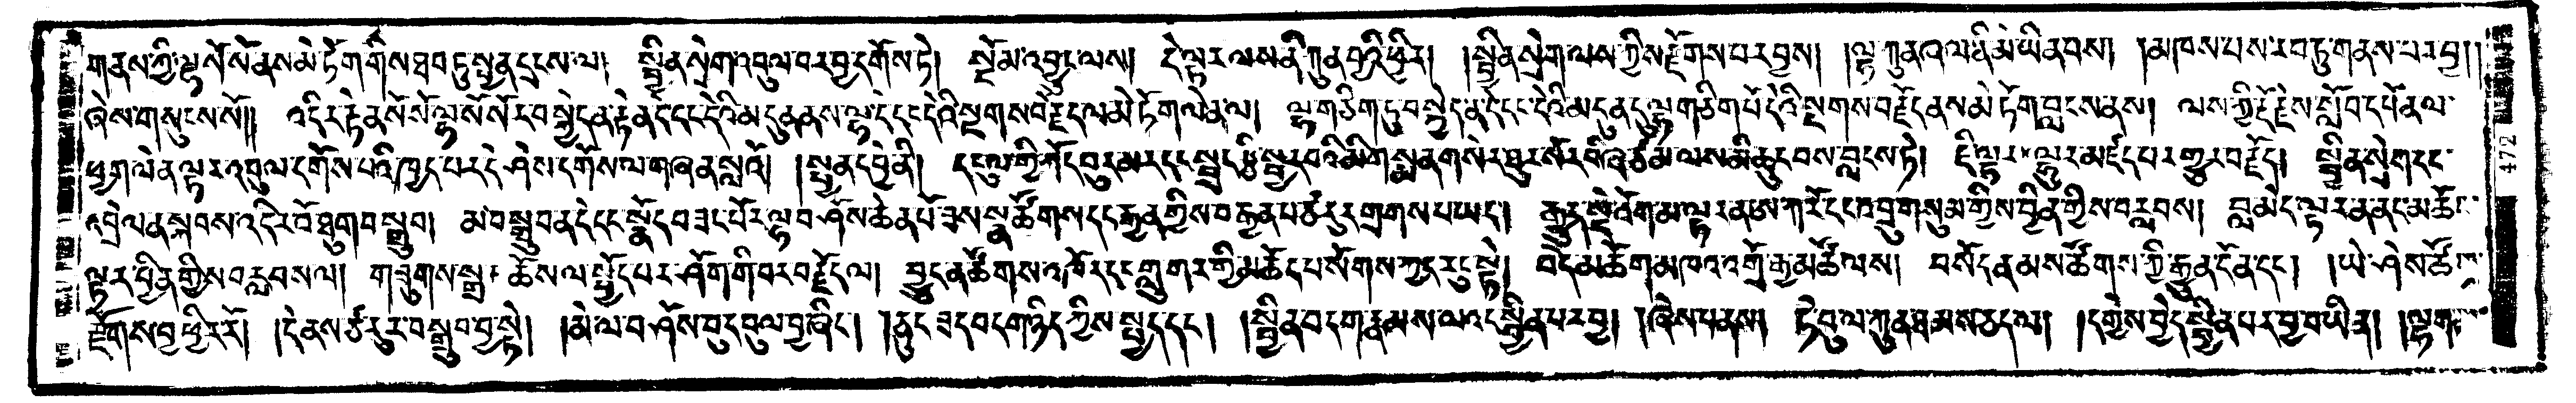གནས་ཀྱི་ལྟ་སོ་སོ་ནས་མེ་ཏོག་གིས་ཐབ་ཏུ་སྤྱན་དྲངས་ལ། སྦྱིན་སྲེག་འབུལ་བར་བྱ་དགོས་ཏེ། སྔོན་འབྱུང་ལས། དེ་ལྟར་ལས་ནི་ཀུན་བྱའི་ཕྱིར། །སྦྱིན་སྲེག་ལས་ཀྱིས་རྗོགས་པར་བྱ། ལྷ་ཀུན་ཞལ་ནི་མེ་ཡིན་བས། །མཁས་པས་རབ་ཏུ་གནས་པར་བྱ། །
ཞེས་གསུངས་སོ། །འདིར་རྟེན་སོ་སོ་ལྷ་སོ་སོར་བསྐྱེད་ན་རྟེན་དང་དེའི་མདུན་ནས་ལྷ་དེ་དང་དེའི་སྔགས་འོ་རྗད་ལ་མེ་ཏོག་ལེན་ལ། ལྷ་གཅིག་ཏུ་བསྐྱེད་ན་དེ་དང་དེའི་མདུན་དུ་ལྟ་གཅིག་པོ་དེའི་སྔགས་བརྗོད་ནས་མེ་ཏོག་བླངས་ནས། ལས་ཀྱི་རྡོ་རྗེས་སློབ་དཔོན་ལ་
ཕྱག་ལེན་ལྟར་འབུལ་དགོས་པའི་ཁྱད་པར་དེ་ཤེས་དགོས་ལ་གཞན་སླའོ། །སྤྱན་དབྱེ་ནི། དངུལ་གྱི་ཀོ་དབུར་མར་དང་སྦྲང་སྕི?་སྦྱར་བའི་མིག་སྨན་གསེར་ཐུར་སོར་བཞི་ཙམ་ལས་མི་ཆུང་བས་བླངས་ཏེ། ཇི་ལྟར་ལྷུར་མཛད་པར་བརྗོད། སྦྱིན་སྲེག་དང་
འབྲེལ་ན་སྐབས་འདིར་འོ་ཐུག་སྒྲུབ། མ་བསྒྲུབ་ན་དེ་དང་སྣོད་བཟང་པོར་ལྷབ་ཤོས་ཆེན་པོ་ཟས་སྣ་ཚོགས་དང་རྒྱན་གྱིས་བརྒྱན་པ་ཙ་རུར?་གྲགས་པ་ཡང་། རྒྱུན་སྡེ་འོག་མ་ལྟར་ན་ཨ་ཀ་རོ་དང་འབྲུ་གསུམ་གྱིས་བྱིན་གྱིས་བརླབས། བླ་མེད་ལྟར་ན་ནང་མཆོད་
ལྟར་བྱིན་གྱིས་བརླབས་ལ། གཟུགས་སྒྲ་ཆོས་ལ་སྤྱོད་པར་ཤོག་གི་རྦར་བརྗོད་ལ། བྱུང་ན་ཚོགས་འཁོར་དང་གླུ་གར་གྱི་མཆོད་པ་སོགས་ཀྱང་རུང་སྟེ། བདེ་མཆོག་མཁའ་འགྲོ་རྒྱ་མཚོ་ལས། བསོད་ནམས་ཚོགས་ཀྱི་རྒྱུན་དོན་དང་། །ཡེ་ཤེས་ཚོགས་
རྫོགས་བྱ་ཕྱིར་རོ། །དེ་ནས་ཙ་རུང་བསྒྲུབ་བྱ་སྟེ། །མེ་ལ་ཤོས་བུ་དབུལ་བྱ་ཞིང་། །ཅུང་ཟད་བདག་ཉིད་ཀྱིས་སྤྱད་དང་། །སྦྱིན་བདག་རྣམས་ལའང་སྦྱིན་པར་བྱ། །ཞེས་པ་ནས། ཏེ་བུ་ལ་ཀུན་ཐམས་ཅད་ལ། །དགྱེས་བྱེད་སྐྱིན་པར་བྱ་བ་ཡིན། །ལྷགས་